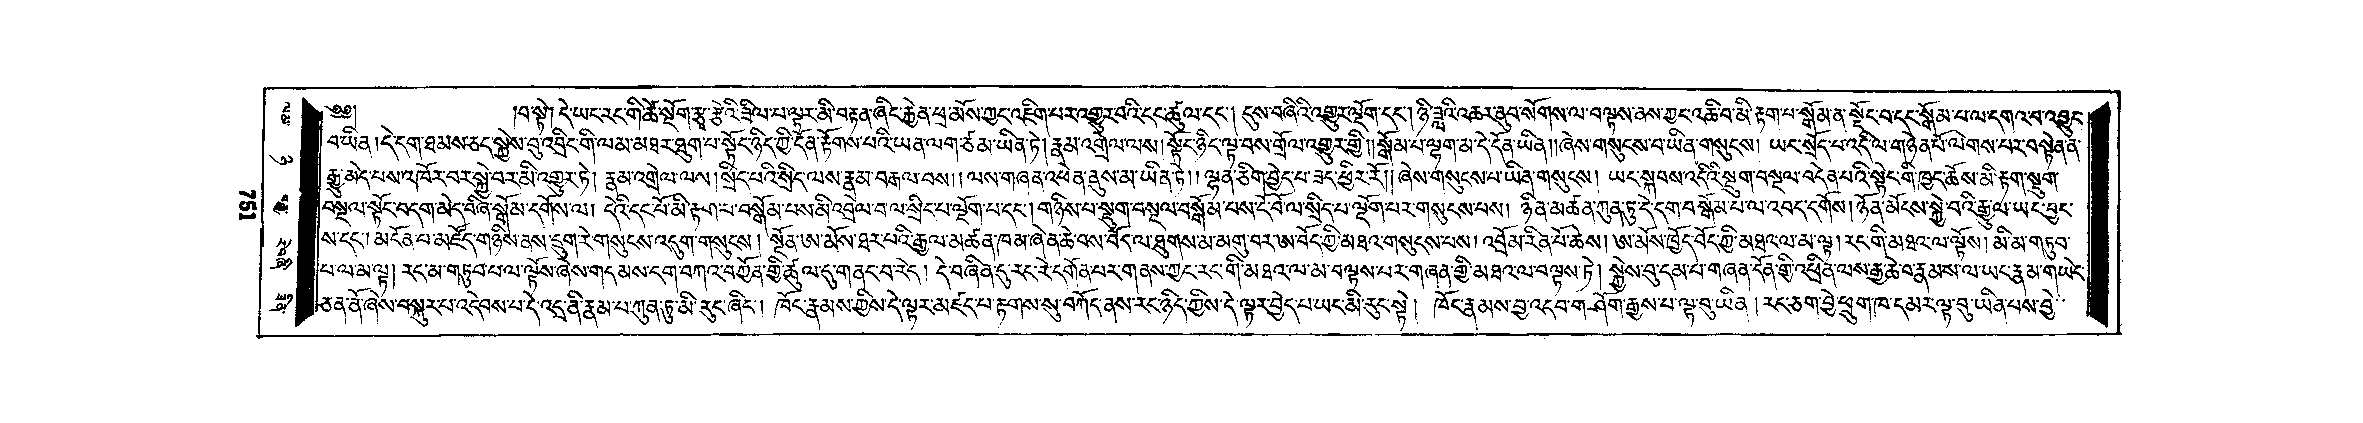༄༅། །བ་སྟེ། དེ་ཡང་རང་གི་ཚེ་སྡོག་རྩྭ་རྩེའི་ཟིལ་པ་ལྟར་མི་བརྟན་ཞིང་རྐྱེན་ཕྲ་མོས་ཀྱང་འཇིག་པར་འགྱུར་བའི་དང་ཚུལ་དང་། དུས་བཞིའི་འགྱུར་ལྡོག་དང་། ཉི་ཟླའི་འཆར་ནུབ་སོགས་ལ་བལྟས་ནས་ཀྱང་འཆི་བ་མི་རྟག་པ་སྒོམ་ན་སྡོང་བ་དང་སྒོམ་པ་ལ་དགའ་བ་འབྱུང་
བ་ཡིན། དེ་དག་ཐམས་ཅད་སྐྱེས་བུ་འབྲིང་གི་ལམ་མཐར་ཐུག་པ་སྟོང་ཉིད་ཀྱི་དོན་རྟོགས་པའི་ཡན་ལག་ཙམ་ཡིན་ཏེ། རྣམ་འགྲེལ་ལས། སྟོང་ཉིད་ལྟ་བས་གྲོལ་འགྱུར་གྱི། །སྒོམ་པ་ལྷག་མ་དེ་དོན་ཡིན། །ཞེས་གསུངས་བ་ཡིན་གསུངས། ཡང་སྲོད་པ་འདི་ལ་གཉེན་པོ་ལེགས་པར་བསྟེན་ན་
རྒྱུ་མེད་པས་འཁོར་བར་སྐྱེ་བར་མི་འགྱུར་ཏེ། རྣམ་འགྲེལ་ལས། སྲིད་པའི་སྲིད་ལས་རྣམ་བརྒལ་བས། །ལས་གཞན་འཕེན་ནུས་མ་ཡིན་ཏེ། །ལྷན་ཅིག་བྱེད་པ་ཟད་ཕྱིར་རོ། །ཞེས་གསུངས་པ་ཡིན་གསུངས། ཡང་སྐབས་འདིའི་སྡུག་བསྔལ་བདེན་པའི་སྟེང་གི་ཁྱད་ཆོས་མི་རྟག་སྡུག་
བསྔལ་སྟོང་བདག་མེད་བཞི་སྒོམ་དགོས་ལ། དེའི་དང་པོ་མི་རྟག་པ་བསྒོམ་པས་མི་འབྲེལ་བ་ལ་སྲིད་པ་ལྡོག་པ་དང་། གཉིས་པ་སྡུག་བསྔལ་བསྒོམ་པས་ངོ་བོ་ལ་སྲིད་པ་ལྡོག་པར་གསུངས་པས། ཉིན་མཚན་ཀུན་ཏུ་དེ་དག་བསྒོམ་པ་ལ་འབད་དགོས། ཉོན་མོངས་སྐྱེ་བའི་རྒྱུ་ལ་ཡང་བྱང་
ས་དང་། མངོན་པ་མཛོད་གཉིས་ནས་དྲུག་རེ་གསུངས་འདུག་གསུངས། སྔོན་ཨ་མོས་ཐར་པའི་རྒྱལ་མཚན་ཁམ་ཞེན་ཆེ་བས་བོད་ལ་ཐུགས་མ་མགུ་བར་ཨ་བོད་ཀྱི་མཐའ་གསུངས་པས། འབྲོམ་རིན་པོ་ཆེས། ཨ་མོས་ཁྱོད་བོད་ཀྱི་མཐའ་ལ་མ་ལྟ། རང་གི་མཐའ་ལ་ལྟོས། མི་མ་གཏུབ་
པ་ལ་མ་ལྟ། རང་མ་གཏུབ་པ་ལ་ལྟོས་ཞེས་གདམས་ངག་བཀའ་བཀྱོན་གྱི་ཚུལ་དུ་གནང་བ་རེད། དེ་བཞིན་དུ་རང་རེ་དགོན་པར་གནས་ཀྱང་རང་གི་མཐའ་ལ་མ་བལྟས་པར་གཞན་གྱི་མཐའ་ལ་མ་བལྟས་ཏེ། སྐྱེས་བུ་དམ་པ་གཞན་དོན་གྱི་འཕྲིན་ལས་རྒྱ་ཆེ་བ་རྣམས་ལ་ཡང་རྣམ་གཡེང་
ཅན་ནོ་ཞེས་བསྐུར་པ་འདེབས་པ་དེ་འདྲ་ནི་རྣམ་པ་ཀུན་ཏུ་མི་རུང་ཞིང་། ཁོང་རྣམས་ཀྱིས་དེ་ལྟར་མཛད་པ་རྟགས་སུ་བཀོད་ནས་རང་ཉིད་ཀྱིས་དེ་ལྟར་བྱེད་པ་ཡང་མི་རུང་སྟེ། ཁོང་རྣམས་བྱ་འདབ་གཤོག་རྒྱས་པ་ལྟ་བུ་ཡིན། རང་ཅག་བྱེ་ཕྲུག་ཁ་དམར་ལྟ་བུ་ཡིན་པས་བྱེ་